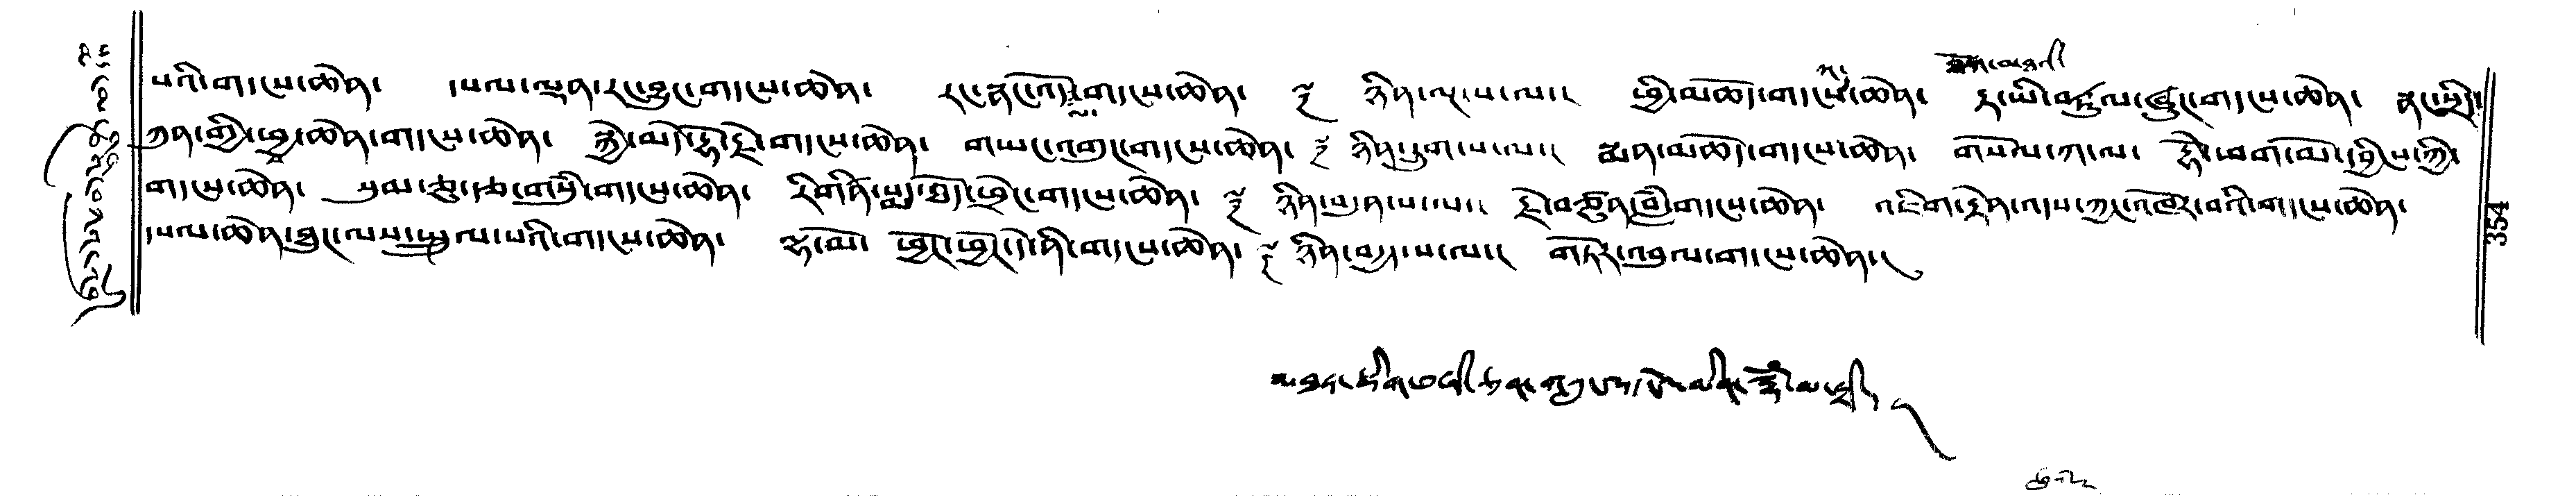པའི༴ གདངས་ཆེན། དཔལ་ལྡན་རང་བྱུང༴ གདངས་ཆེན། རང་སྣང་འོད་གསལ༴ གདངས་ཆེན། ༈ ཉིན་ལྔ་པ་ལ། ཕྱི་མཆོད་གདངས་ཆེན། རྟ་ཡི་བརྟུལ་ཞུགས༴ གདངས་ཆེན། སྣང་སྲིད་
ཀུན་གྱི་ཕྱྭ་ཆེན༴ གདངས་ཆེན། སྐྱེ་མེད་རྡོ་རྗེ༴ གདངས་ཆེན། གཡང་འགུགས་གདངས་ཆེན། ༈ ཉིན་དྲུག་པ་ལ། སྨན་མཆོད་གདངས་ཆེན། གསོལ་ཀ་ལ། རྡོ་རྗེ་ཕག་མོ་དབྱིངས་ཀྱི༴ 
གདངས་ཆེན། སུམ་ཅུ་རྩ་གསུམ༴ གདངས་ཆེན། རིག་འཛིན་པདྨ་ཐོད་ཕྲེང༴ གདངས་ཆེན། ༈ ཉིན་བདུན་པ་ལ། རྗེ་བཙུན་བླ་མ༴ གདངས་ཆེན། འཇིག་རྟེན་འདས་ཀྱང་འཁོར་བའི༴ གདངས་ཆེན། 
དཔལ་ཆེན་ཐུགས་ལས་སྤྲུལ་པའི༴ གདངས་ཆེན། ལྷ་མོ། ཕྱོགས་ཕྱོགས་དེ་ནི༴ གདངས་ཆེན། ༈ ཉིན་བརྒྱད་པ་ལ། གཏོར་འབུལ་གདངས་ཆེན་ནོ།།
མཐར་ཚིག་བཞི་གསུངས་དངོས་མིན་སྙོ་མ་སྲོད།།